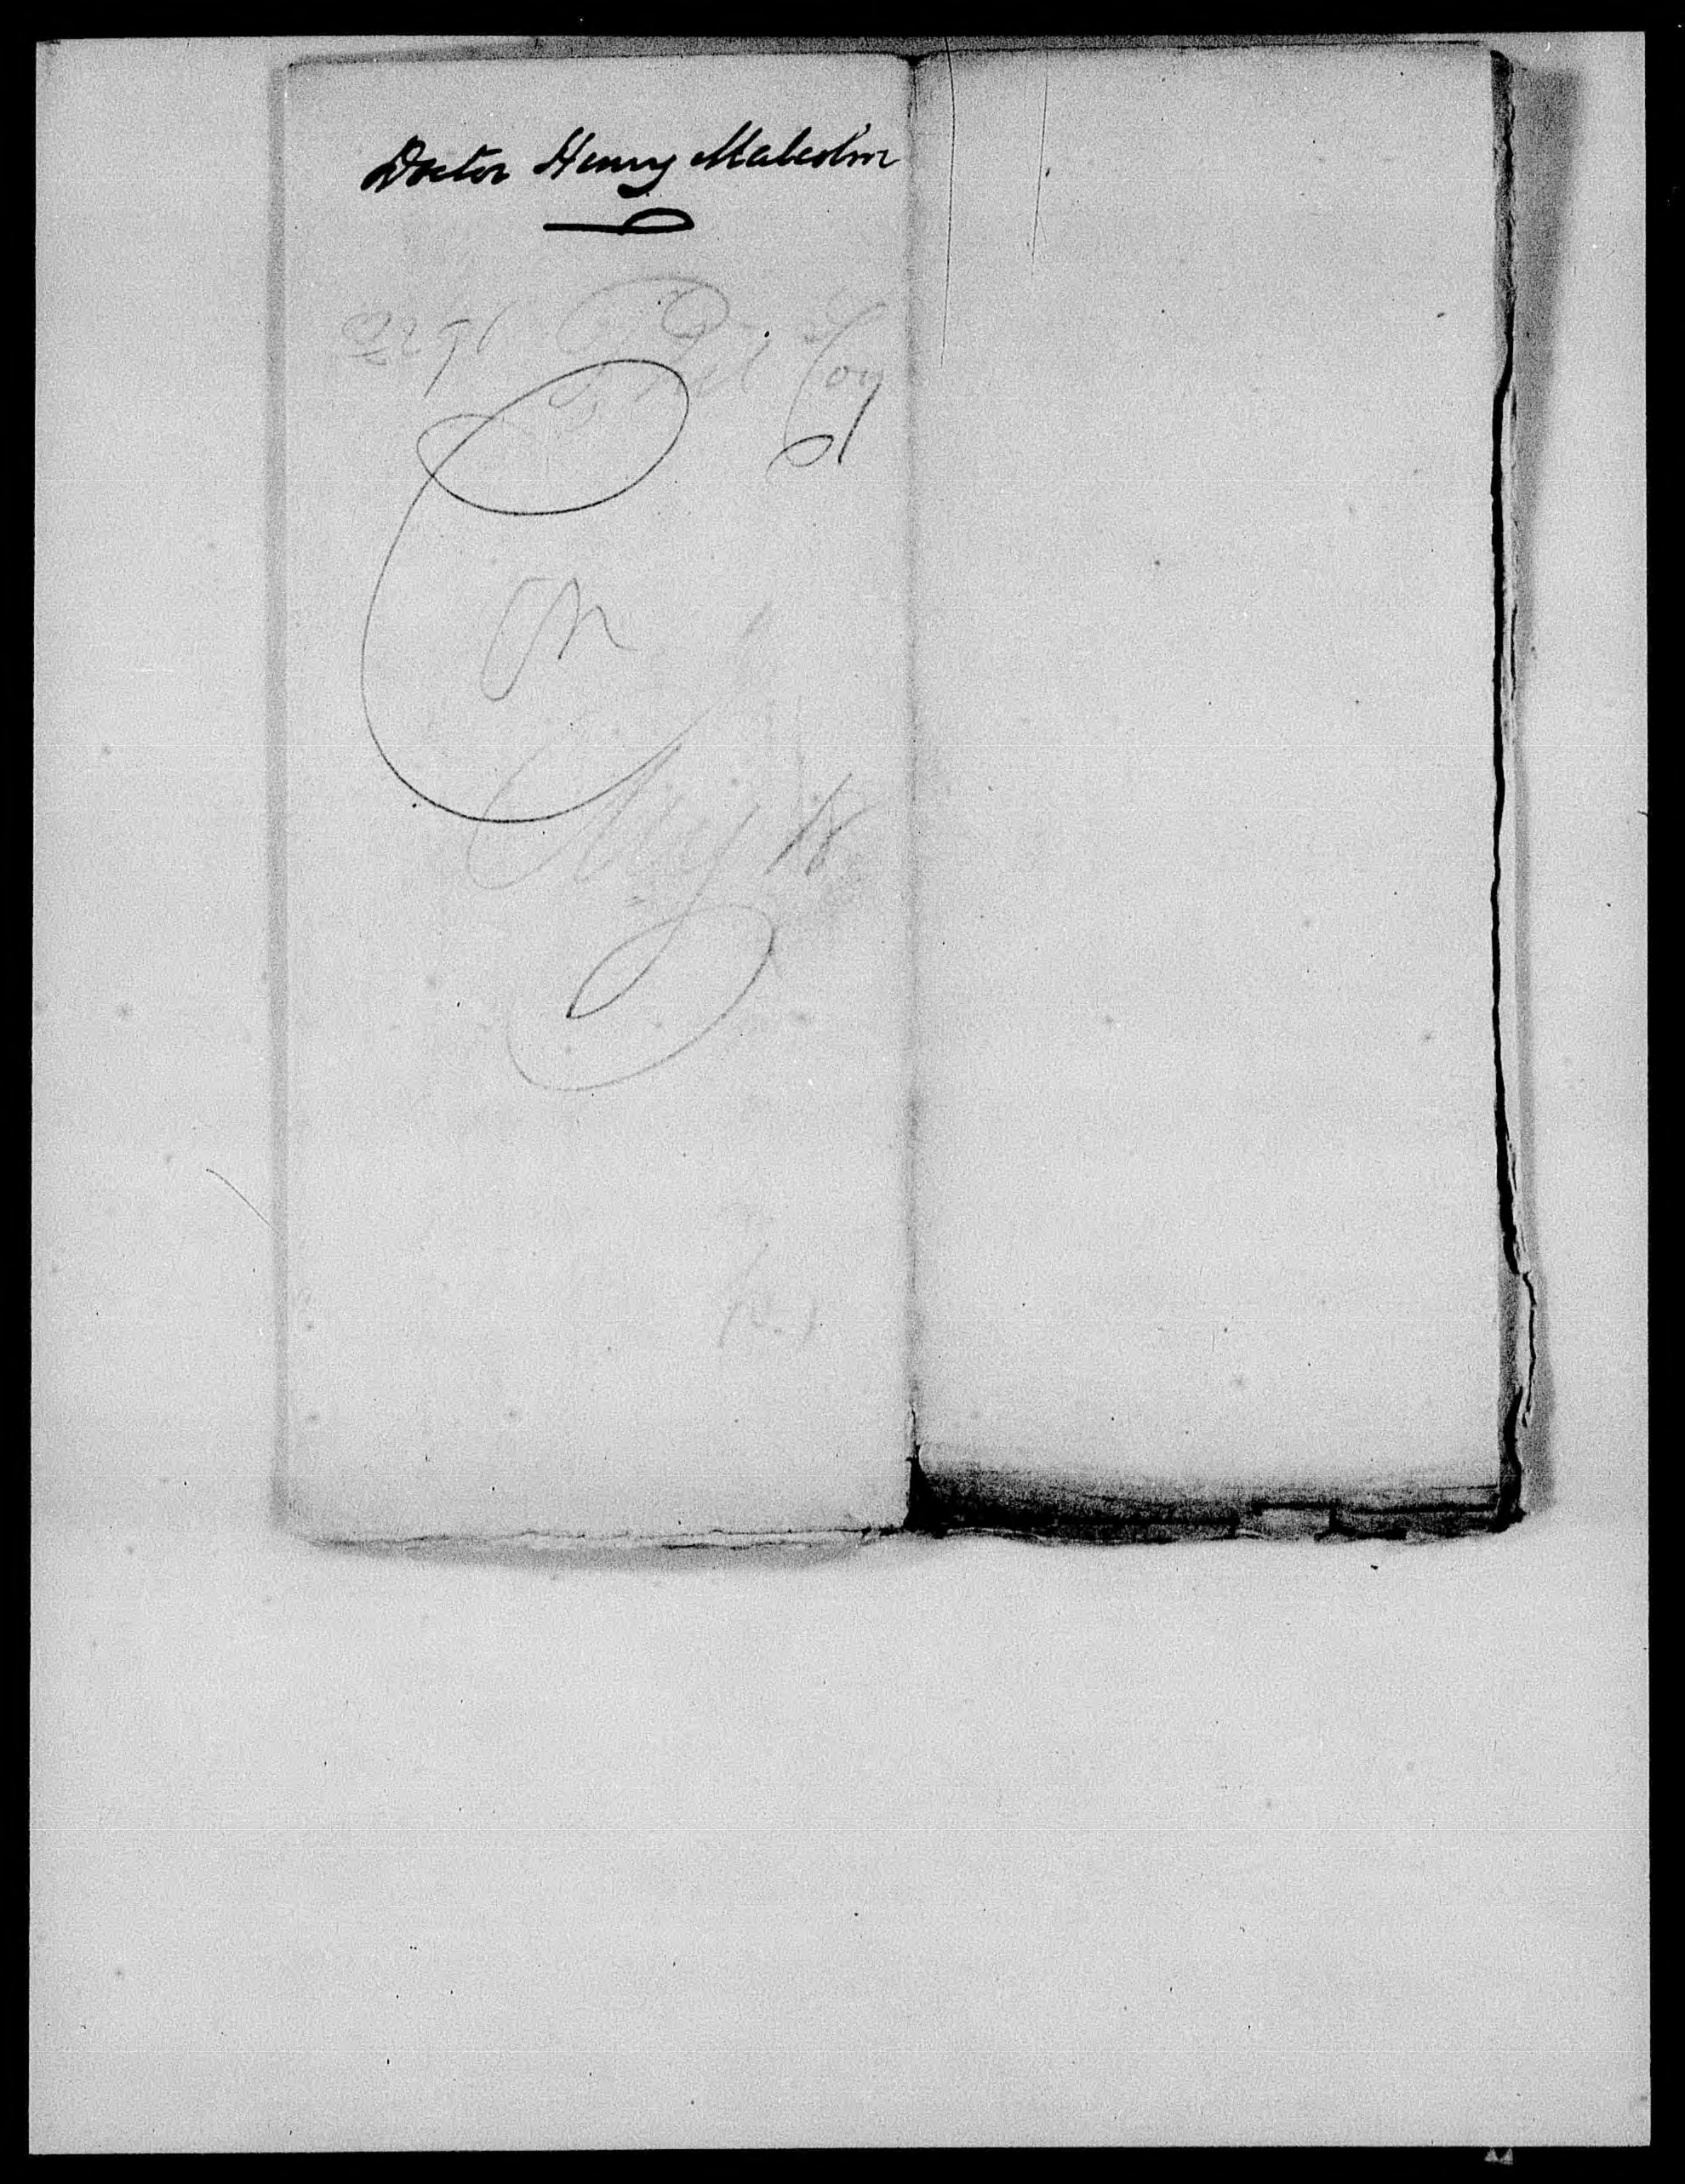Doctor Henry Malcolm

[Illegible] Phil Cog Con

[or last word is C on]

Aug 18

[Illegible]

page: 6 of 28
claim: survivor's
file: S. 5,048, for Henry Malcolm